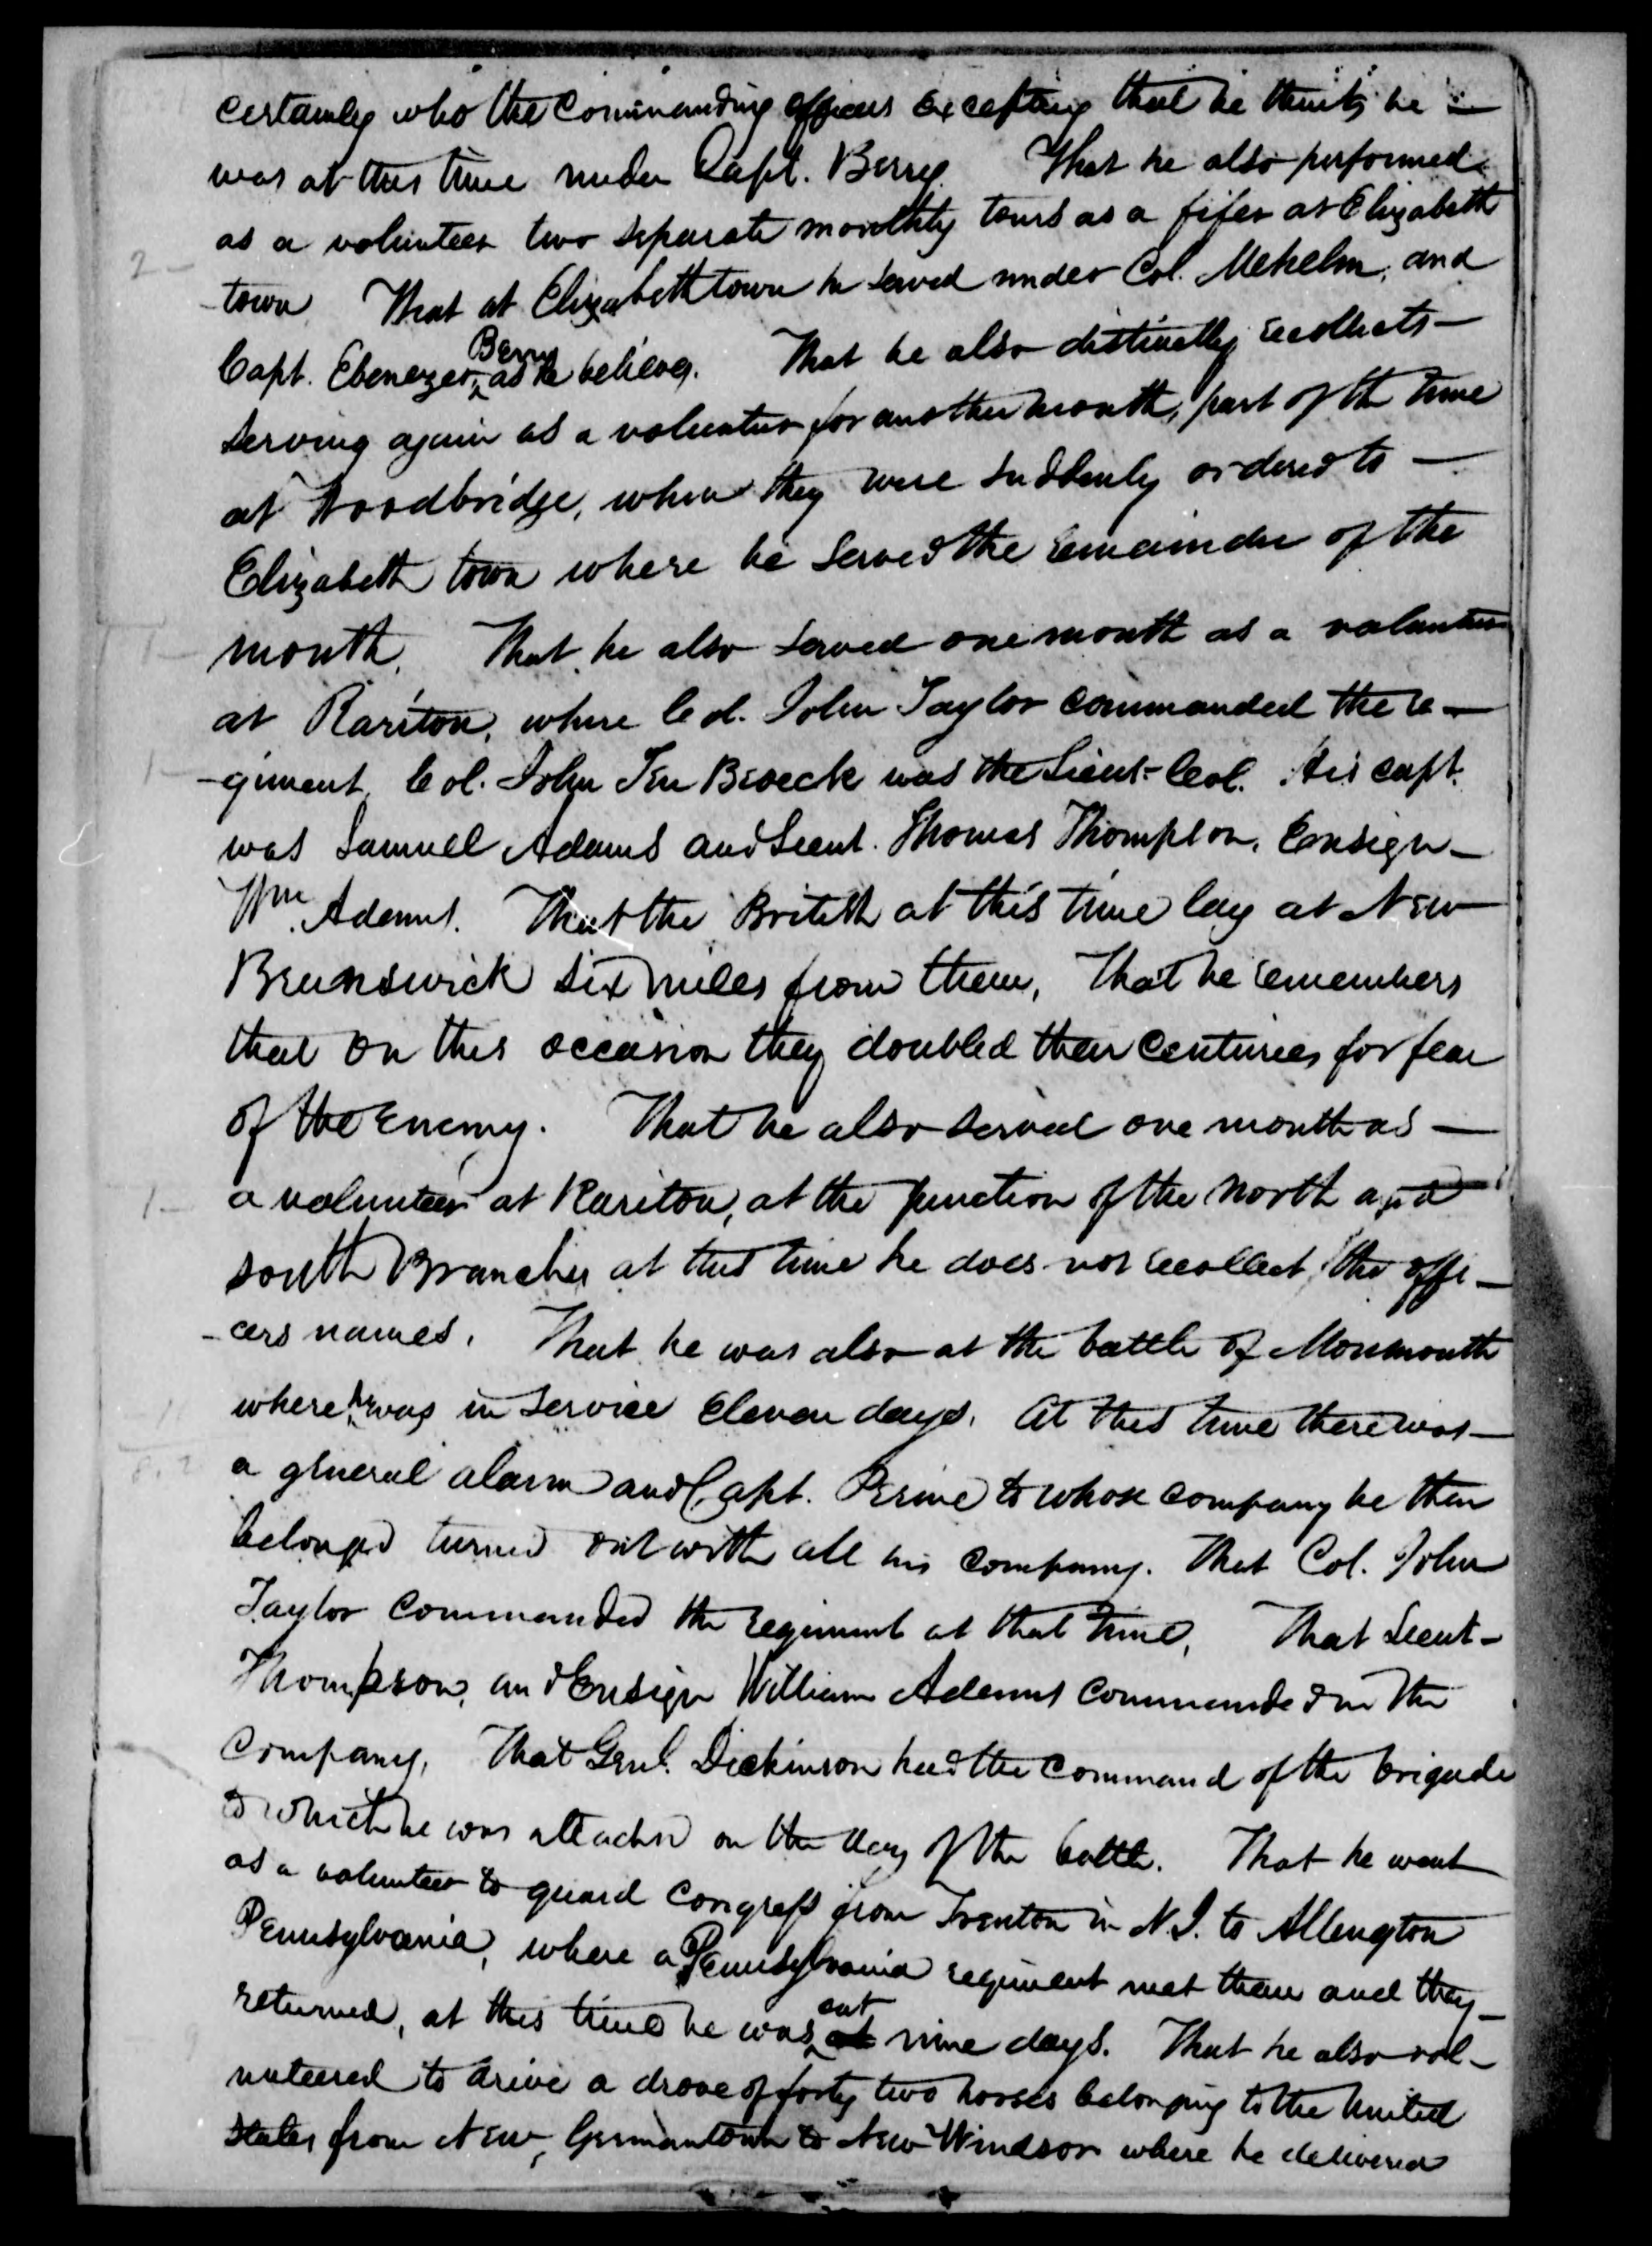2
certainly who the commanding officers excepting that he thinks he was at this time under Capt. Berry.  That he also performed
as a volunteer two separate monthly tours as a fifer at Elizabethtown. That at Elizabeth town he served under Col. Mehelm, and Capt. Ebenezer Berry as he believes.
That he also distinctly recollects serving
again as a volunteer for another month, part of the time at Woodbridge, when they were suddenly ordered to Elizabethtown where he served the remainder of the month. That he also served one month as a volunteer at Raritan, where Col. John Taylor commanded the regiment. Col. John Ten Broeck was the Lieut Col. His Capt. was Samuel Adams and Lieut. Thomas Thompson, Ensign Wm Adams. That the British at this time lay at New
Brunswick six miles from them, that he remembers that on this occasion they doubled their centuries for fear of the enemy.
That he also served one month as - a volunteer at Raritan, at the junction of the north and
South Branches, at this time he does not recollect the officers names. That he was also at the battle of Monmouth where was in service eleven days. At this time there was a
general Adams and Capt. Perine to whose company he then belonged turned out with all his company. That Col. John Taylor commanded the regiment at that time. That Lieut. Thompson, and Ensign William Adams commanded in the Company, That Genl. Dickinson had the command of the brigade
to which he was attached on the day of the battle. That he went as a volunteer to guard Congress from Trenton in N.J. to Allentown
Pennsylvania, where a Pennsylvania regiment was there and they returned, at this time he was out nine days. That he also volunteered to drive a drove of forty two horses belonging to the United States from New Germanton to New Windsor where he delivered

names: Wm Adams; John Ten Broeck; [BLANK] Mehelm; John Taylor; [BLANK] Thompson; Ebenezer Berry; Samuel Adams; [BLANK] Berry; William Adams; John Taylor; Thomas Thompson; [BLANK] Dickinson; [BLANK] Perine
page: 3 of 35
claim: rejected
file: R. 9601, for John Simson, New Jersey